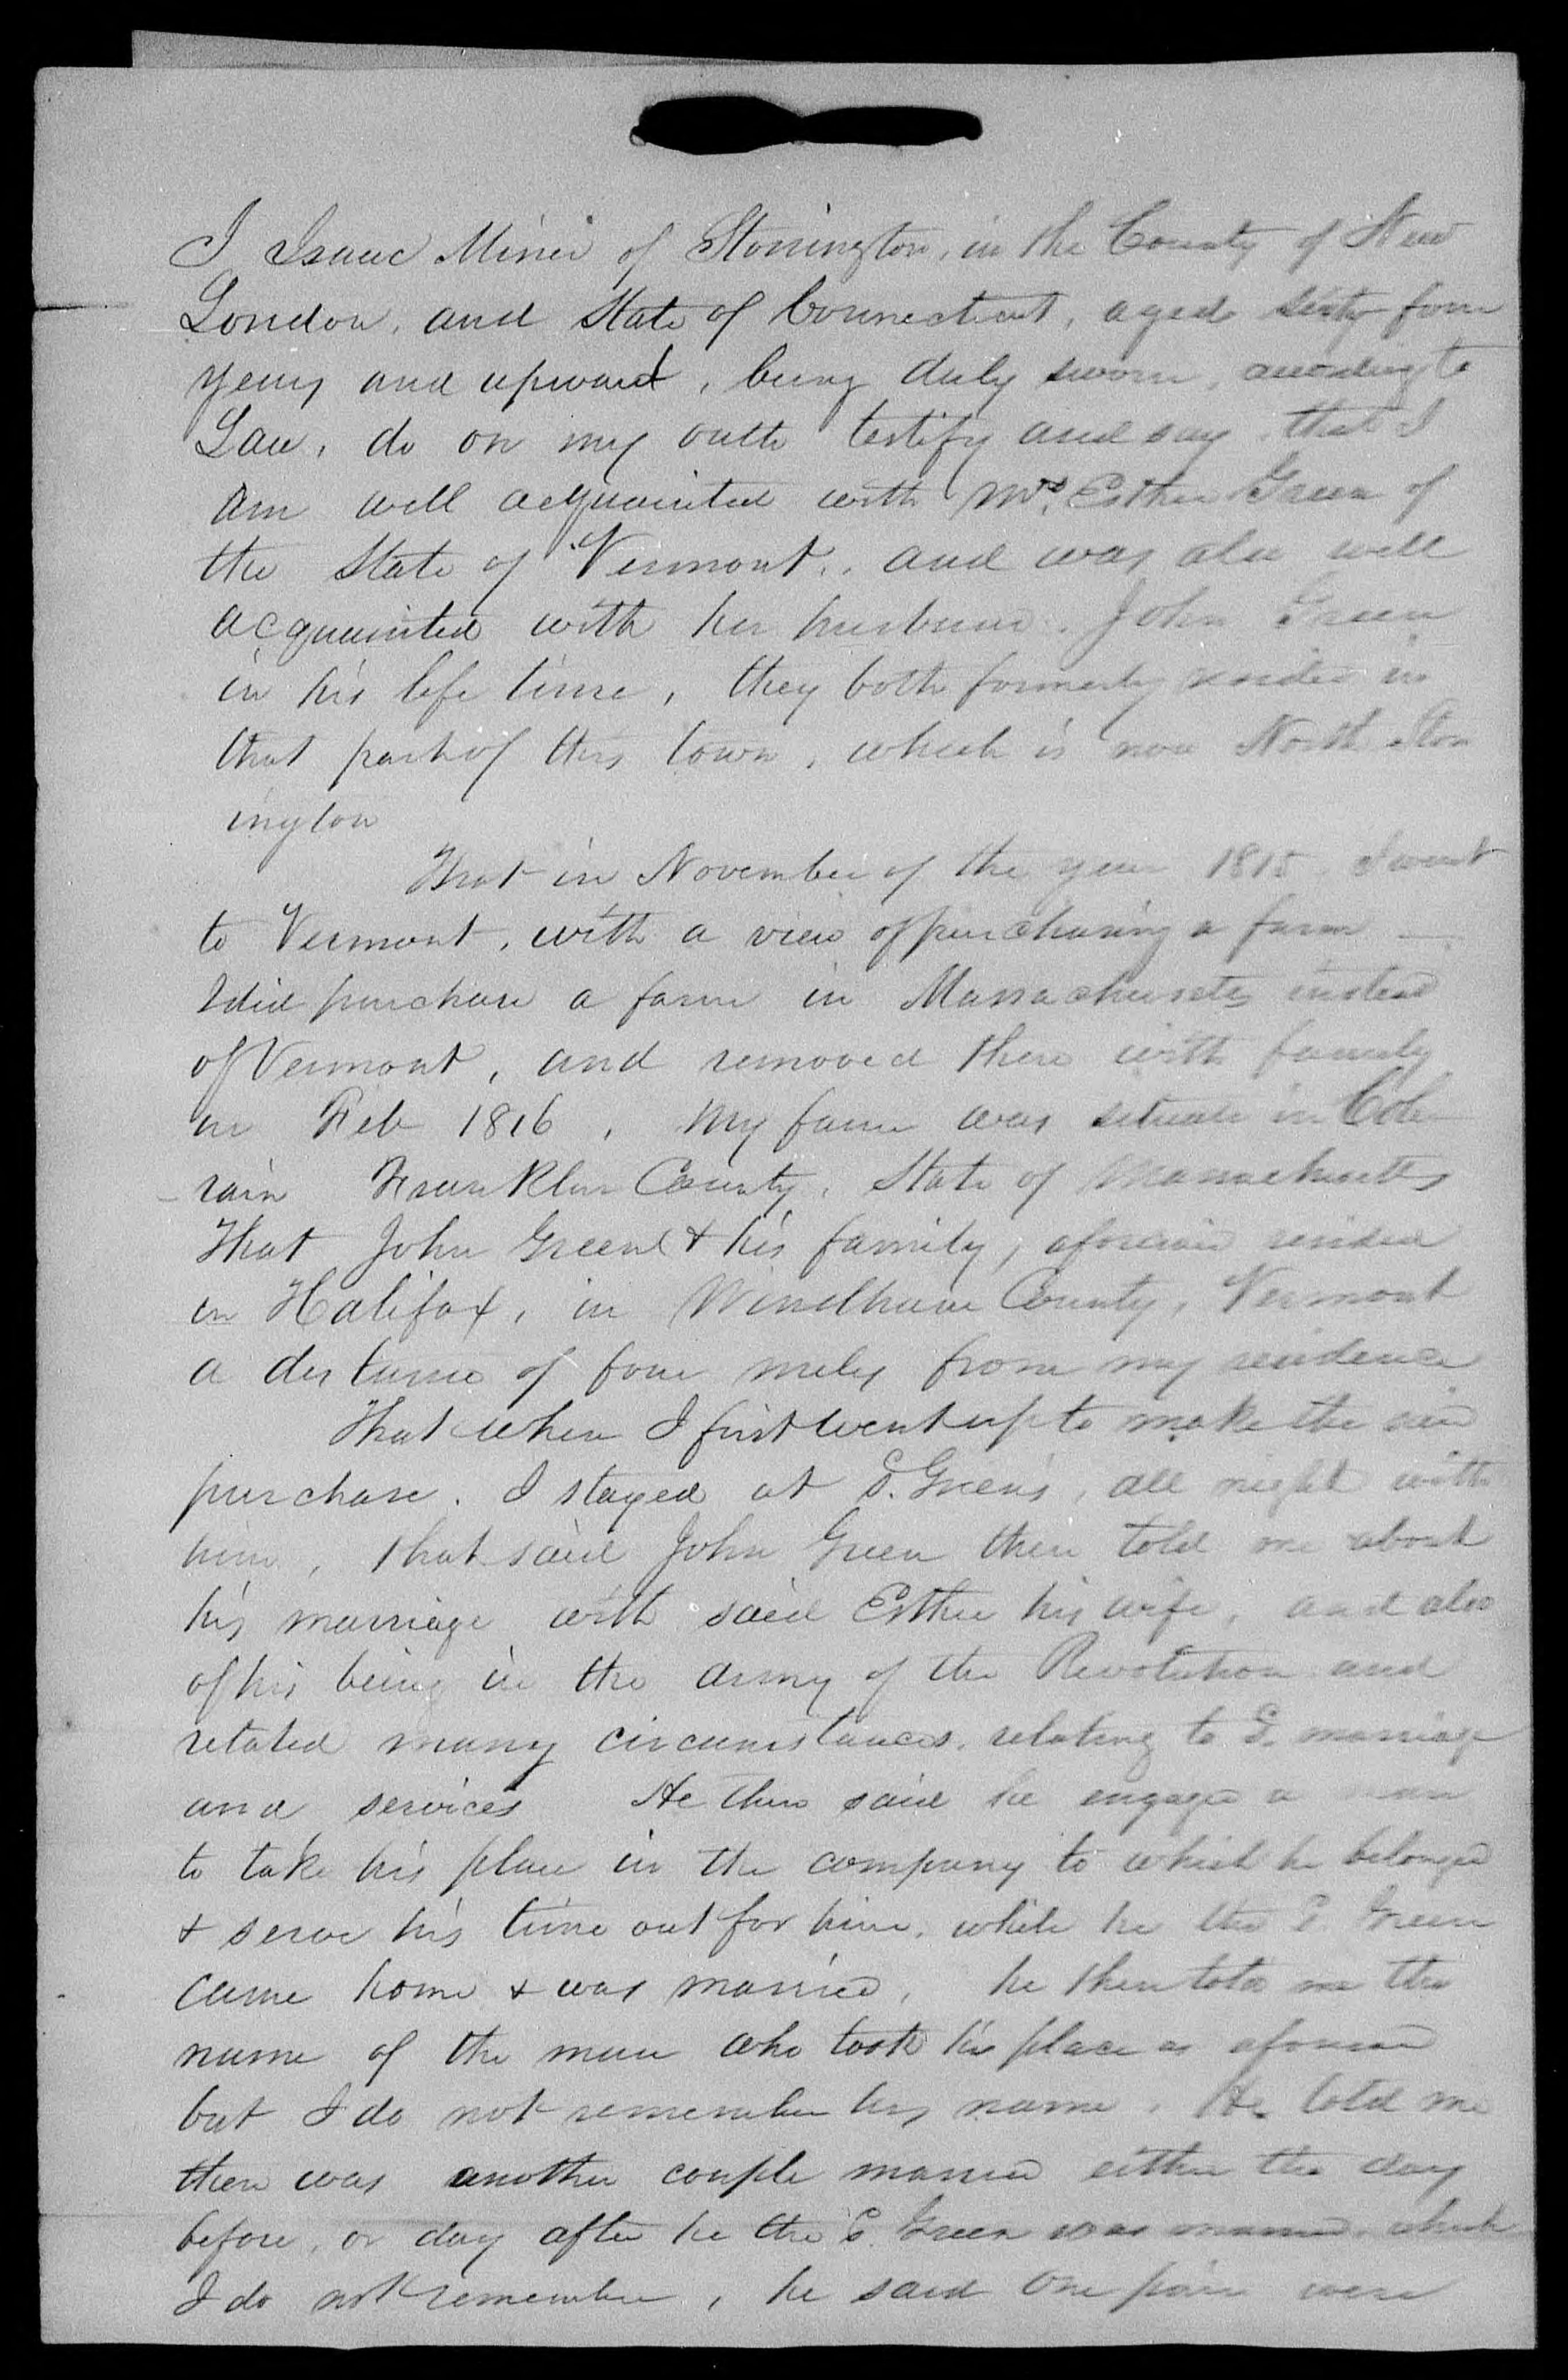I, Isaac Miner of Stonington, in the County of New London, and State of Connecticut, aged sixty four years and upward being duly sworn according to Law, do on my oath testify and say that I am well acquainted with Mrs. Esther Green of the State of Vermont and was also well acquainted with her husband, John Green in his life time. They both formerly resided in that part of this town which is now North Stonington.
That in November of the year 1815 I went to Vermont with a view of purchasing a farm. I did purchase a farm in Massachusetts instead of Vermont, and removed there with family in Feb 1816. My farm was situated in Colrain, Franklin County State of Massachusetts. That John Green & his family, aforesaid resided in Halifax in Windham County, Vermont a distance of four miles from my residence. 
That when I first went to make the -- purchase I stayed at Green's all night with him.  That said John Green then told me about his marriage with said Esther his wife and also of his being in the army of the Revolution and restated many circumstances relating to his marriage and services. He then said he engaged a man to take his place in the company to which he belonged & serve his time out for him while he this -- Green came home & was married. He then told me the name of the man who took his place as aforesaid but I do not remember his name. He told me there was another couple married wither the day before or day after he the -- Green was named which I do not remember. He said one pair were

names: John Green, Esther Green, Isaac Miner, Esther, Green, Green, John Green, Green, John Green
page: 14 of 40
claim: rejected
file: R. 4251, John Green, Conn.